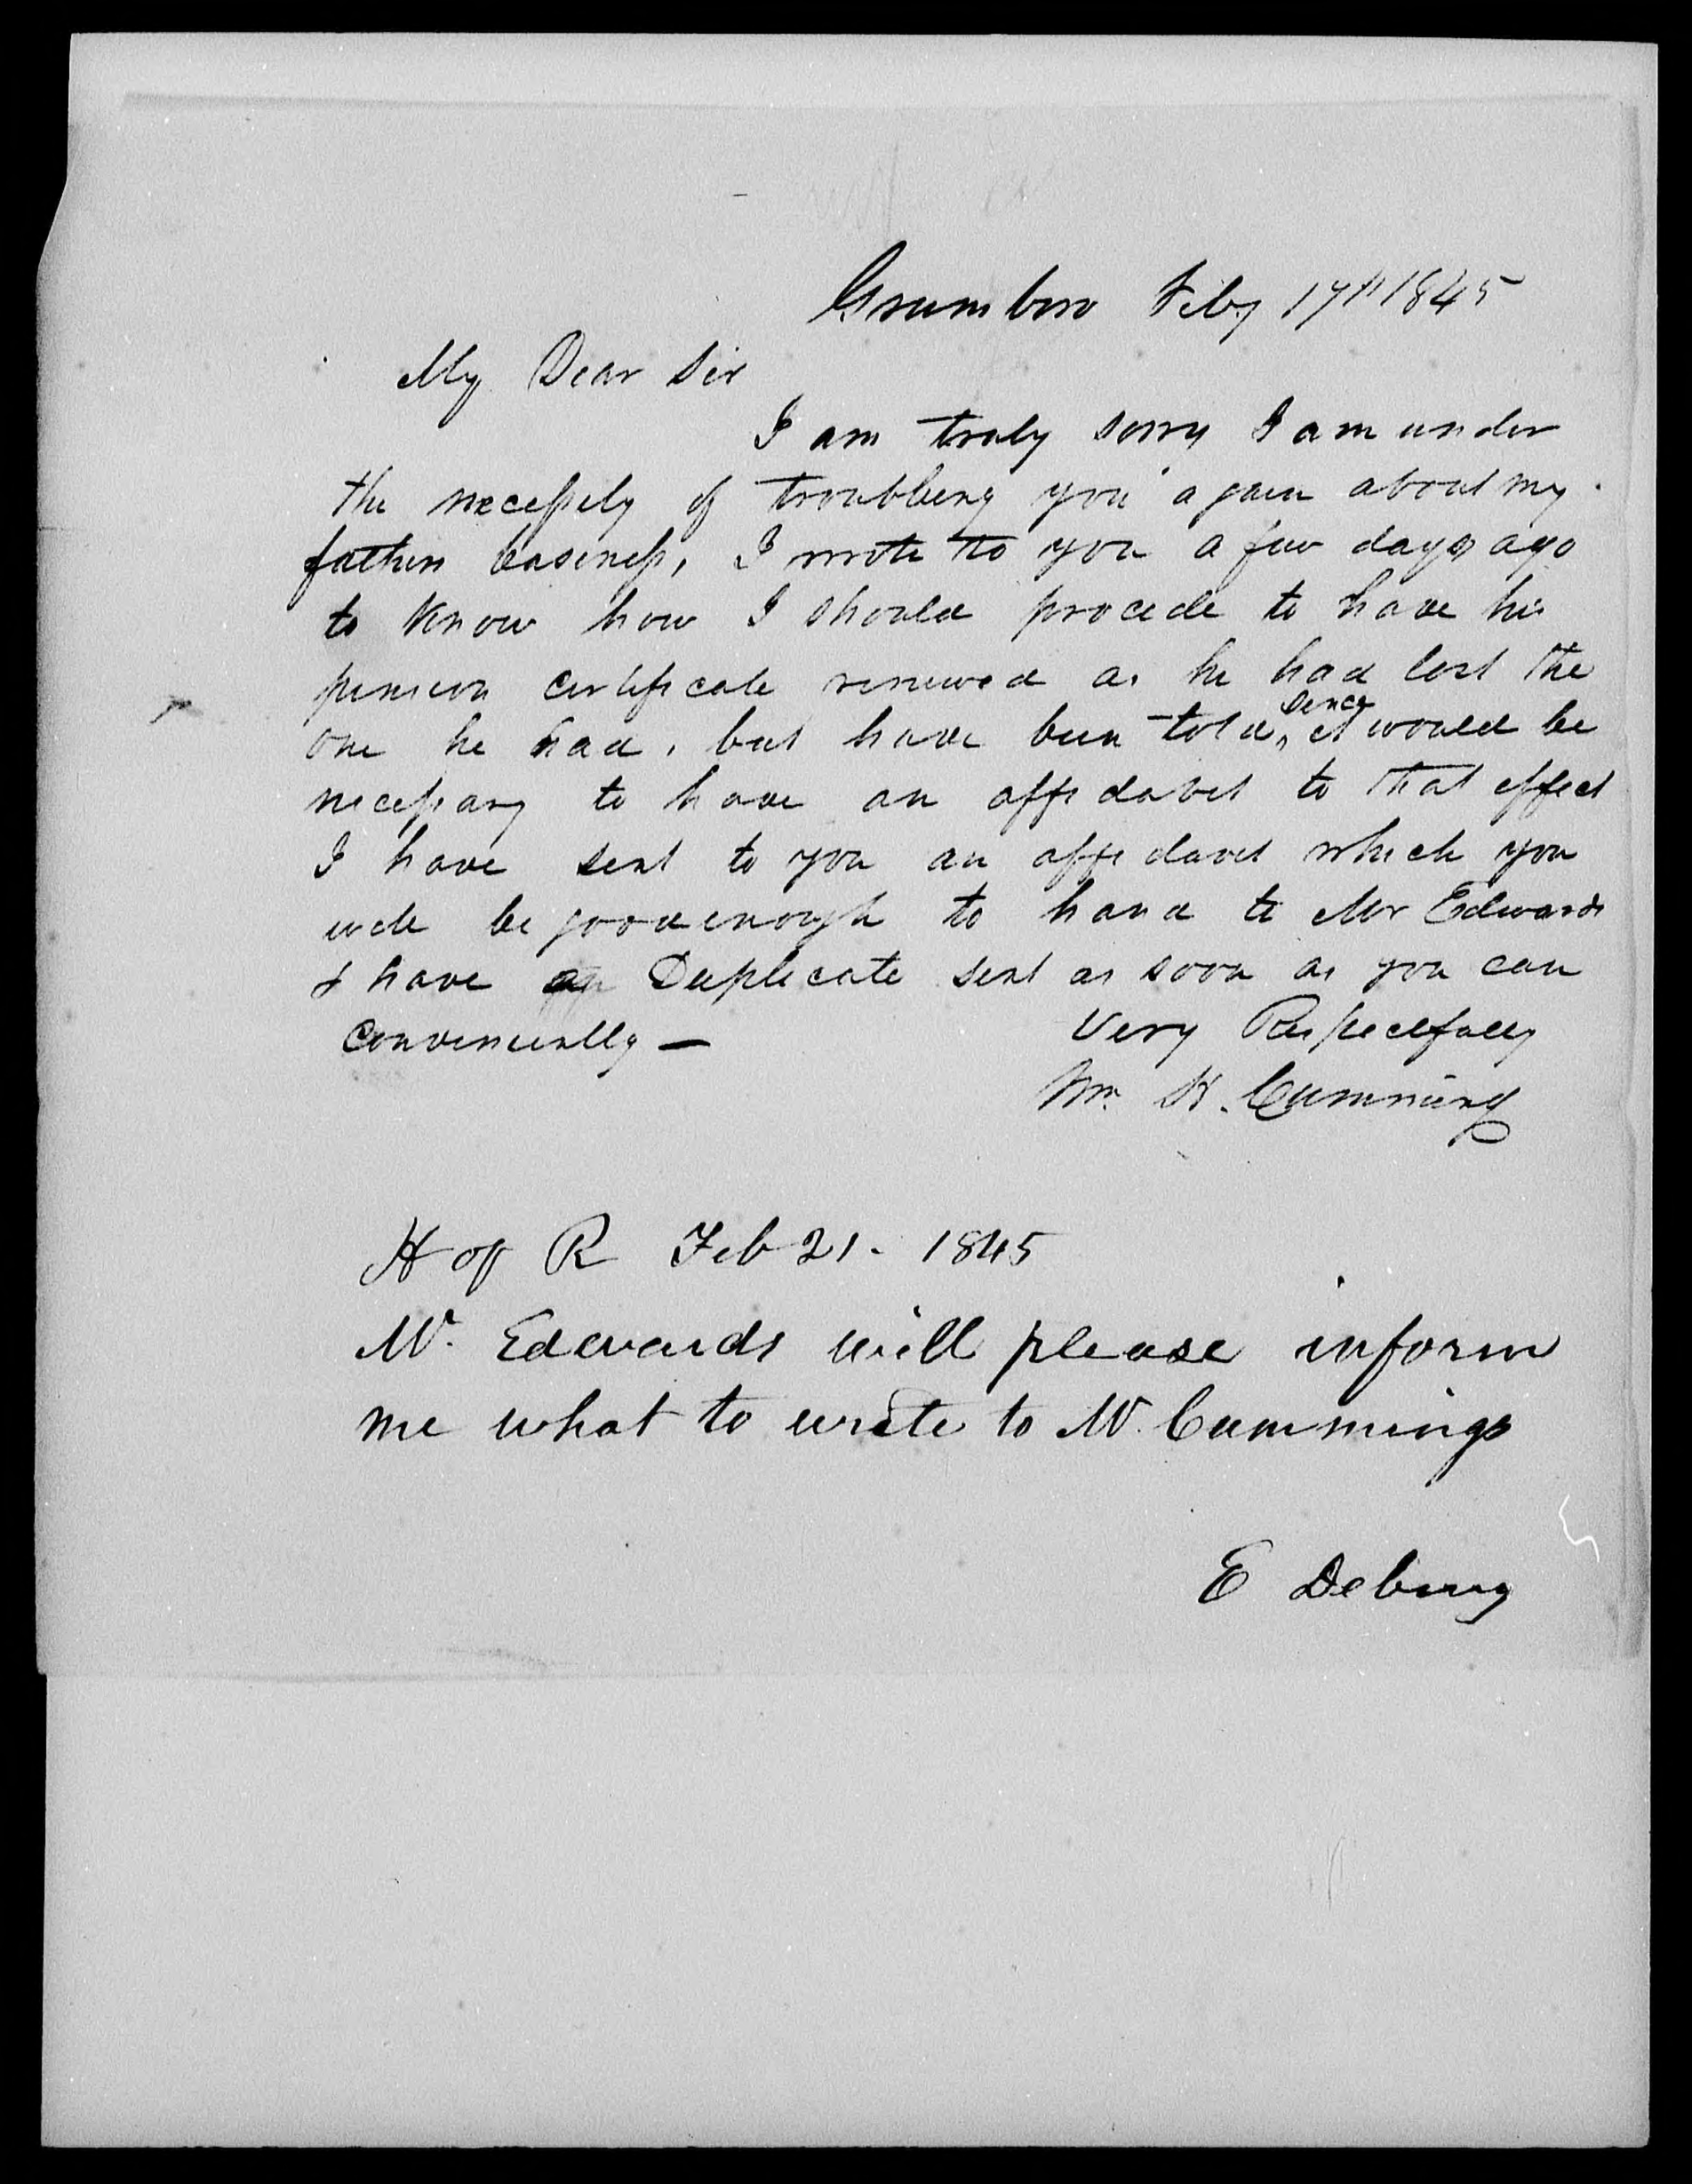[Handwritten letter.  Occasional spacing has been included to make the text block easier to read.]

Greensboro Feby 17th [or 19th] 1845

My Dear Sir

I am truly sorry I am under the necessity of troubling you again about my fathers business, I wrote to you a few days ago to Know how I should procede [proceed] to have his pension Certificate renewed as he had lost the one he had, but have been told ^since it would be necessary to have an affidavit to that effect

I have Sent to you an affidavit which you will be good enough to hand to Mr Edwards and have [here the word "an" was erased and "a" written over it, then possibly stricken through] Duplicate sent as soon as you can Conveniently - 

Very respectfully
Wm. H. [or K.] Cumming  


H of R [House of Representatives] Feb 21- 1845

Mr. Edwards will please inform what to write to Mr. [or W] Cummings

E Deberry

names: Wm H Cummings, Edwards, Cummings, Edwards, E Deberry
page: 84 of 145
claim: survivor's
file: S. 8265, William Cumming, N.C.